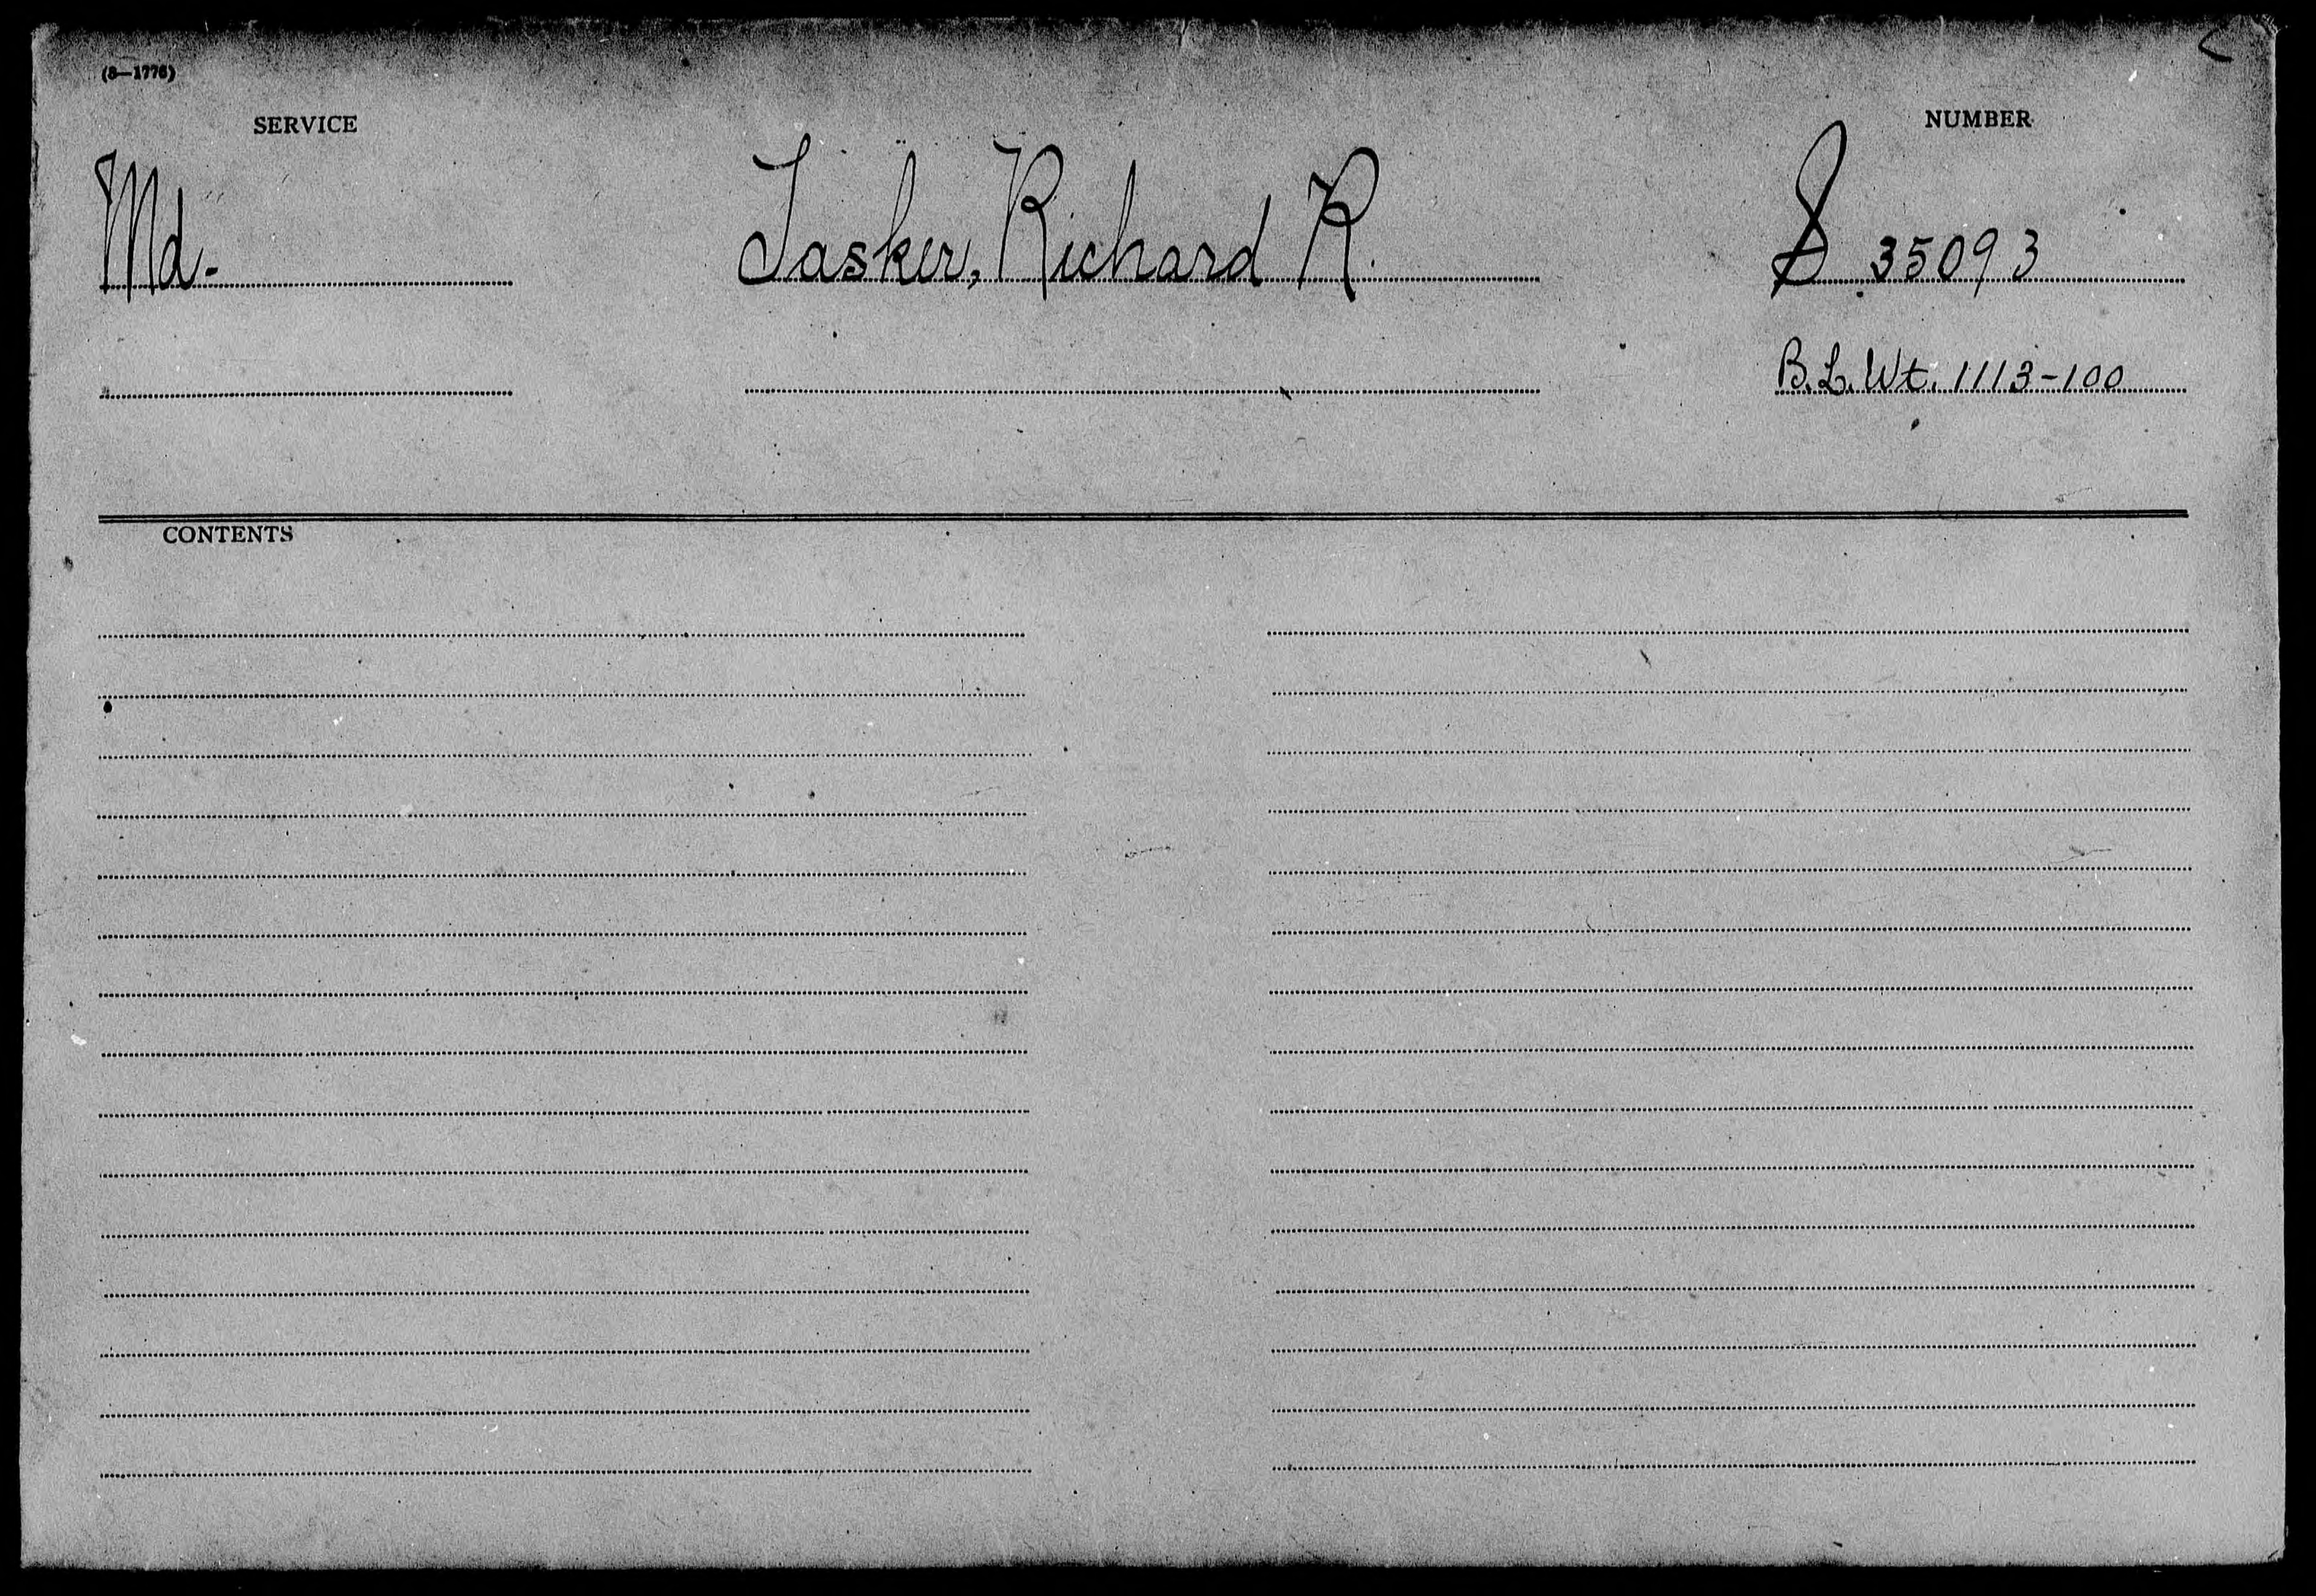Md. 
Lasker, Richard R
S 35093
B.L. Wt. 1113-100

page: 1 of 25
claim: survivor's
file: S. 35093, for Richard R Tasker, Maryland